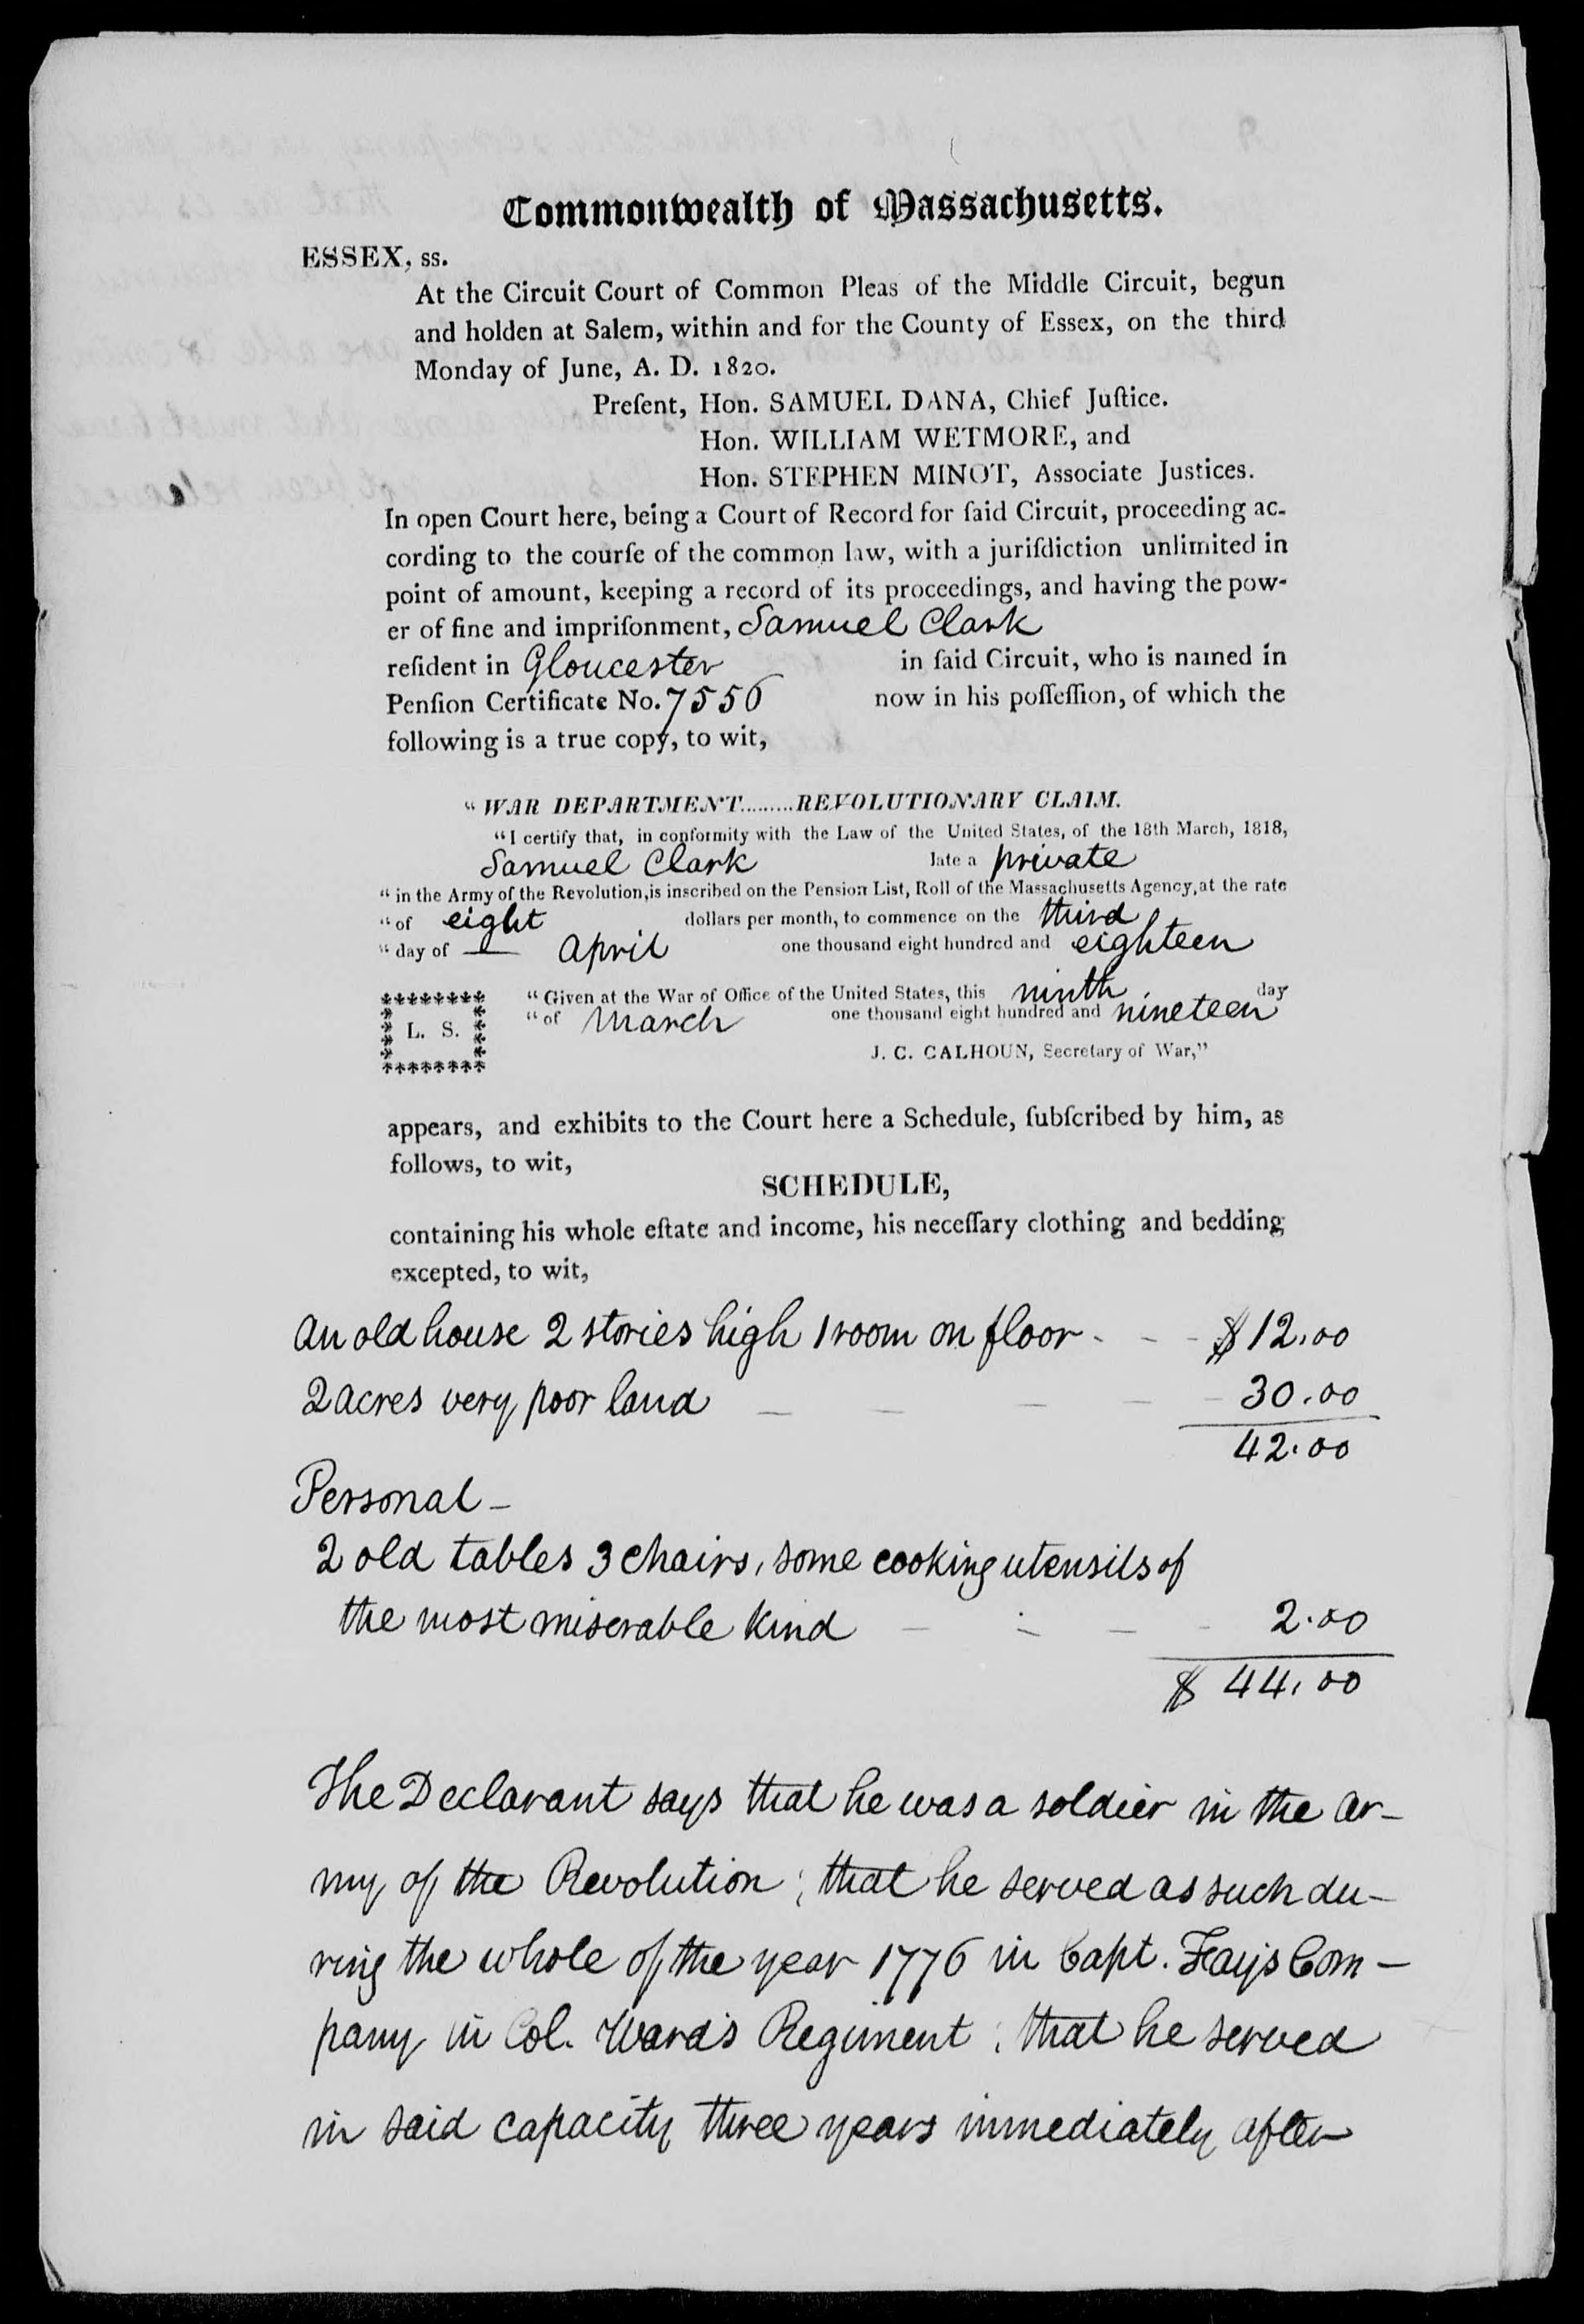Commonwealth of Massachusetts
Essex, ss.
At the Circuit Court of Common Pleas for the Middle Circuit, begun and holden at Salem, within and for the County of Essex, on the third Monday of June, A.D. 1820.
Present, Hon. SAMUEL DANA, Chief Justice.
Hon. WILLIAM WETMORE, and Hon. STEPHEN MINOT, Associate Justices.
In open Court here, being a Court of Record for said Circuit, proceeding according to the course of the common law, with a jurisdiction unlimited 
point of amount, keeping a record of its proceedings, and having the power of fine and imprisonment, Samuel Clark resident in Gloucester in said Circuit, who is named in Pension Certificate No, 7556 now in his possession, of which the following is a true copy, to wit, 
"WAR DEPARTMENT ...........REVOLUTIONARY CLAIM
"I certify that, in conformity with the Law of the United States, of the 18th March, 1818, 
Samuel Clark, late a private 
"in the Army of the Revolution, is inscribed on the Pension List, Roll of the Massachusetts Agency, at the rate 
"of eight dollars per  month, to commence on the third 
"day of April one thousand eight hundred and eighteen 

L.S.
"Given at the War of Office of the Untied States, the ninth day 
"of March one thousand eight hundred and nineteen

JC CALHOUN, Secretary of War,"

appears, and exhibits to the Court here a Schedule, subscribed by him, as follows, it wit,
SCHEDULE
containing his whole estate and income, his necessary clothing and bedding excepted, to wit,

An old house 2 stories high 1 room on floor - $12.00
2 acres very poor land - 30.00
= 42.00

Personal
2 old tables 3 chairs, some cooking utensils of the most miserable  kind - 2.00
= $44.00

The Declarant says that he was a solder in the Army of the Revolution; that he served as such during the whole of the year 1776 in Capt. Fay's Company in Col Ward's Regiment; that he served in said capacity three years immediately after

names: Samuel Dana, Samuel Clark, Samuel Clark, Stephen Minot, J C Calhoun, William Wetmore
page: 7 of 14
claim: survivor's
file: S. 34696, Samuel Clark, Continental Mass.